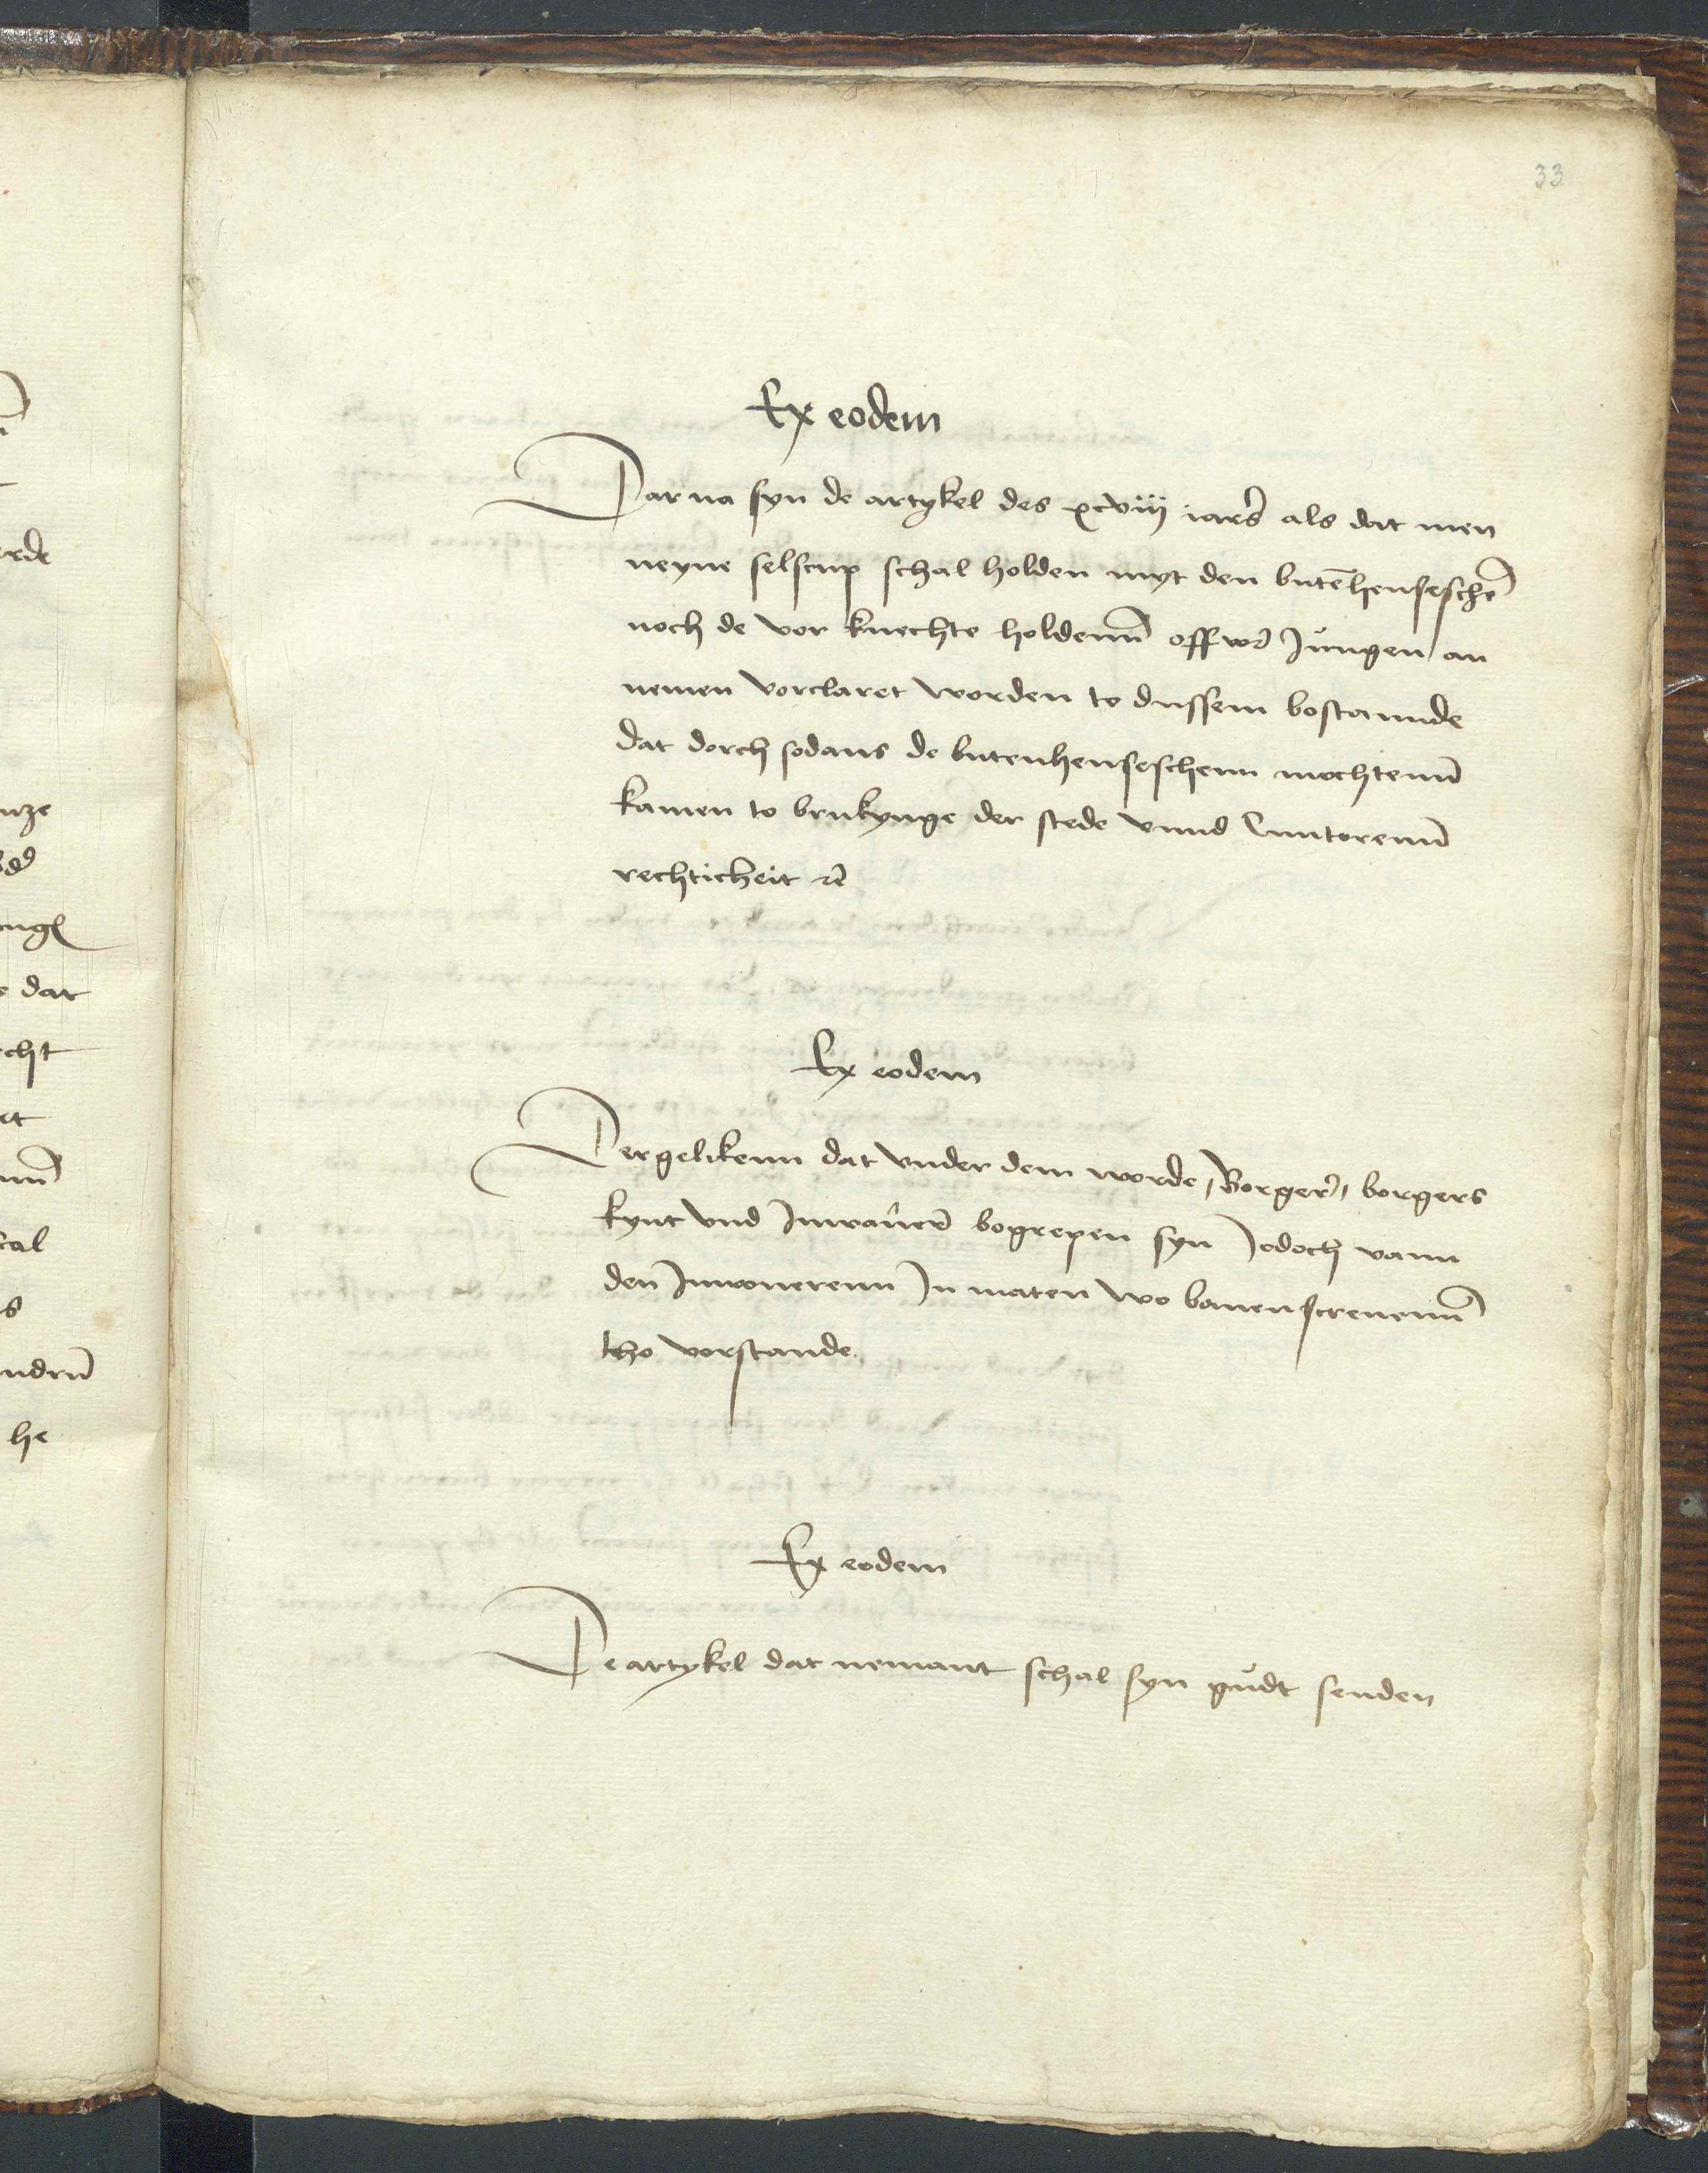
Ex eodem
Darna syn de artykel des xcviij iares als dat men
neyne selscup schall holden myt den butenhensesche
noch de vor knechte holdenn off vor Jungen an
nemen vorclaret worden to dussem bostannde
dat dorch sodans de butenhenseschenn mochtenn
kamen to brukynge der stede vnnd Cuntorenn
rechticheit etc
Ex eodem
Dergelikenn dat vnder dem worde, Borger, borgers¬
kynt vnd Inwaner bogrepen syn Jodoch vann
den Innwonerenn Jn maten wo bauenscreuenn
tho vorstande
Ex eodem
De artykel dat nemant schal syn gudt senden
